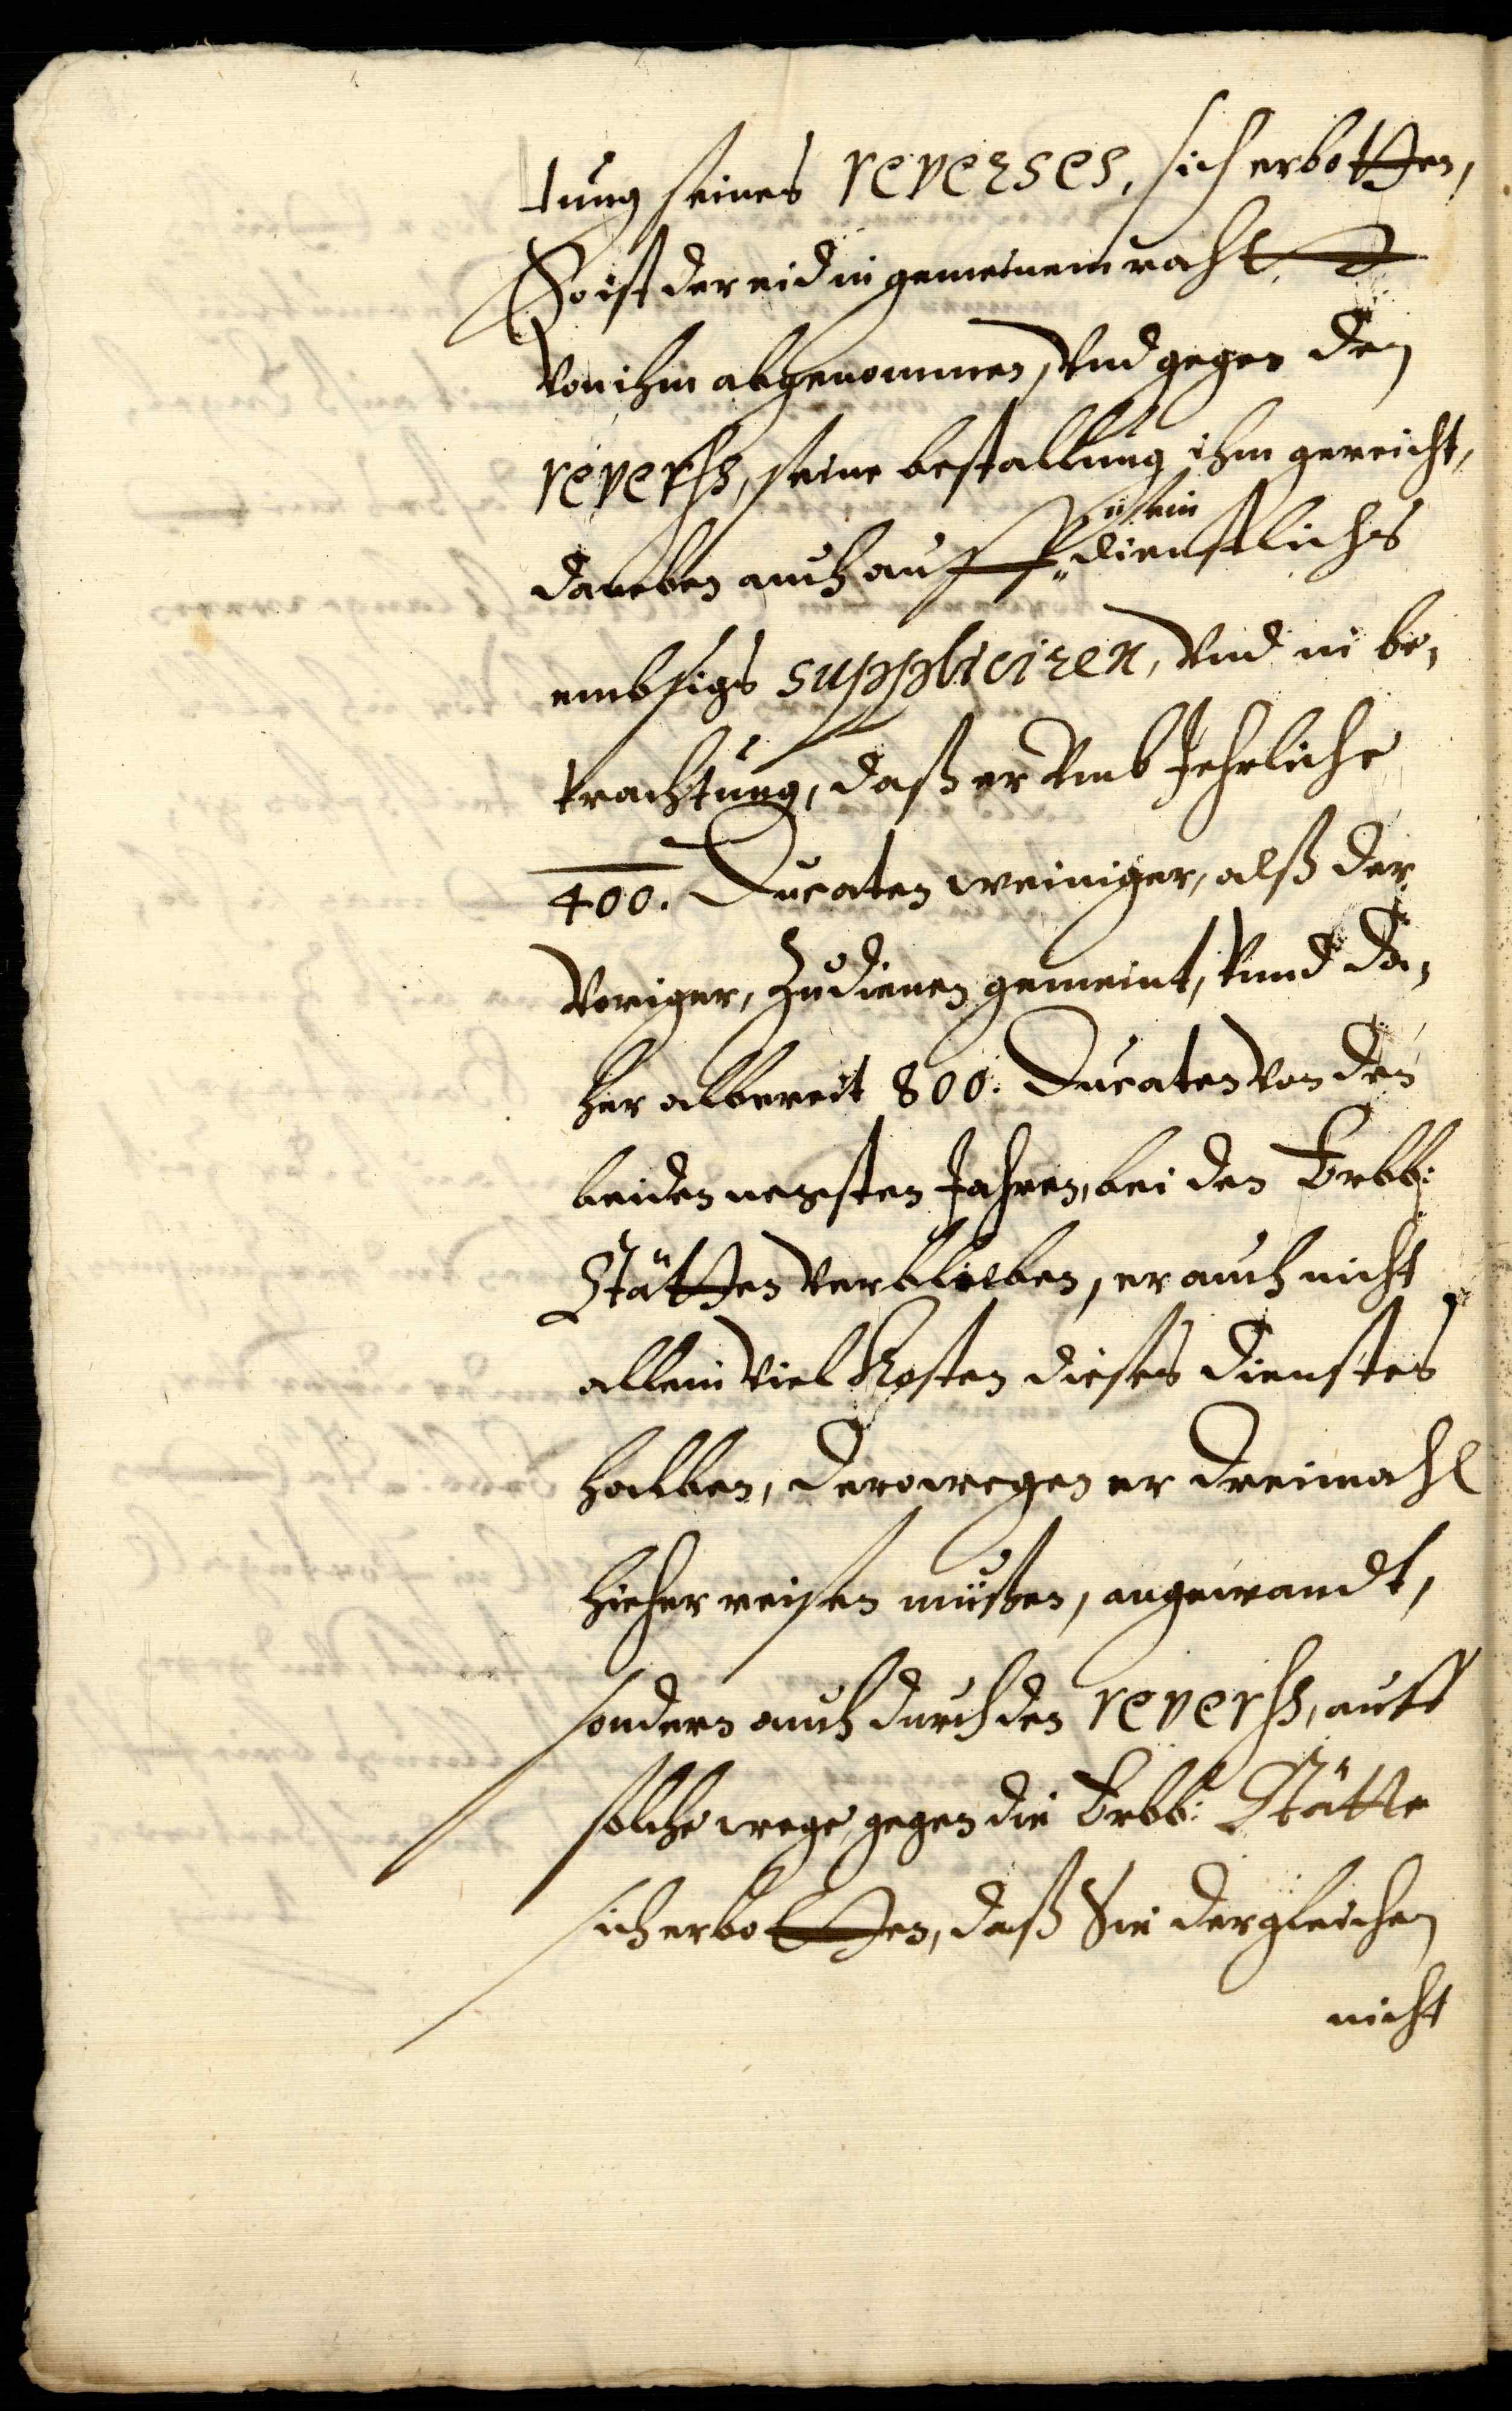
tung seines reverses, sich erbotten,
So ist der eid in gemeinem rahtt
Von ihm abgenommen, Vnd gegen den
reverss, seine bestallung ihm gereicht,
daneben auch auff sein dienstlichs
embsigs suppliciren, Vnd in be¬
trachtung, daß er Vmb Jehrliche
400. Ducaten weiniger, alß der
Voriger, Zudienen gemeint, Vnnd da¬
her albereit 800. Ducaten Von den
beiden negsten Jahren, bei den Erbb:
Stätten Verbleiben, er auch nicht
allein Viel kosten dieseß dienstes
halben, derowegen er Dreimahl
hirher reisen müßen, angewandt,
sondern auch durch den reverss, auff
solche wege gegen die Erbb: Stätte
sich erbotten, daß Sie dergleichen
nicht
